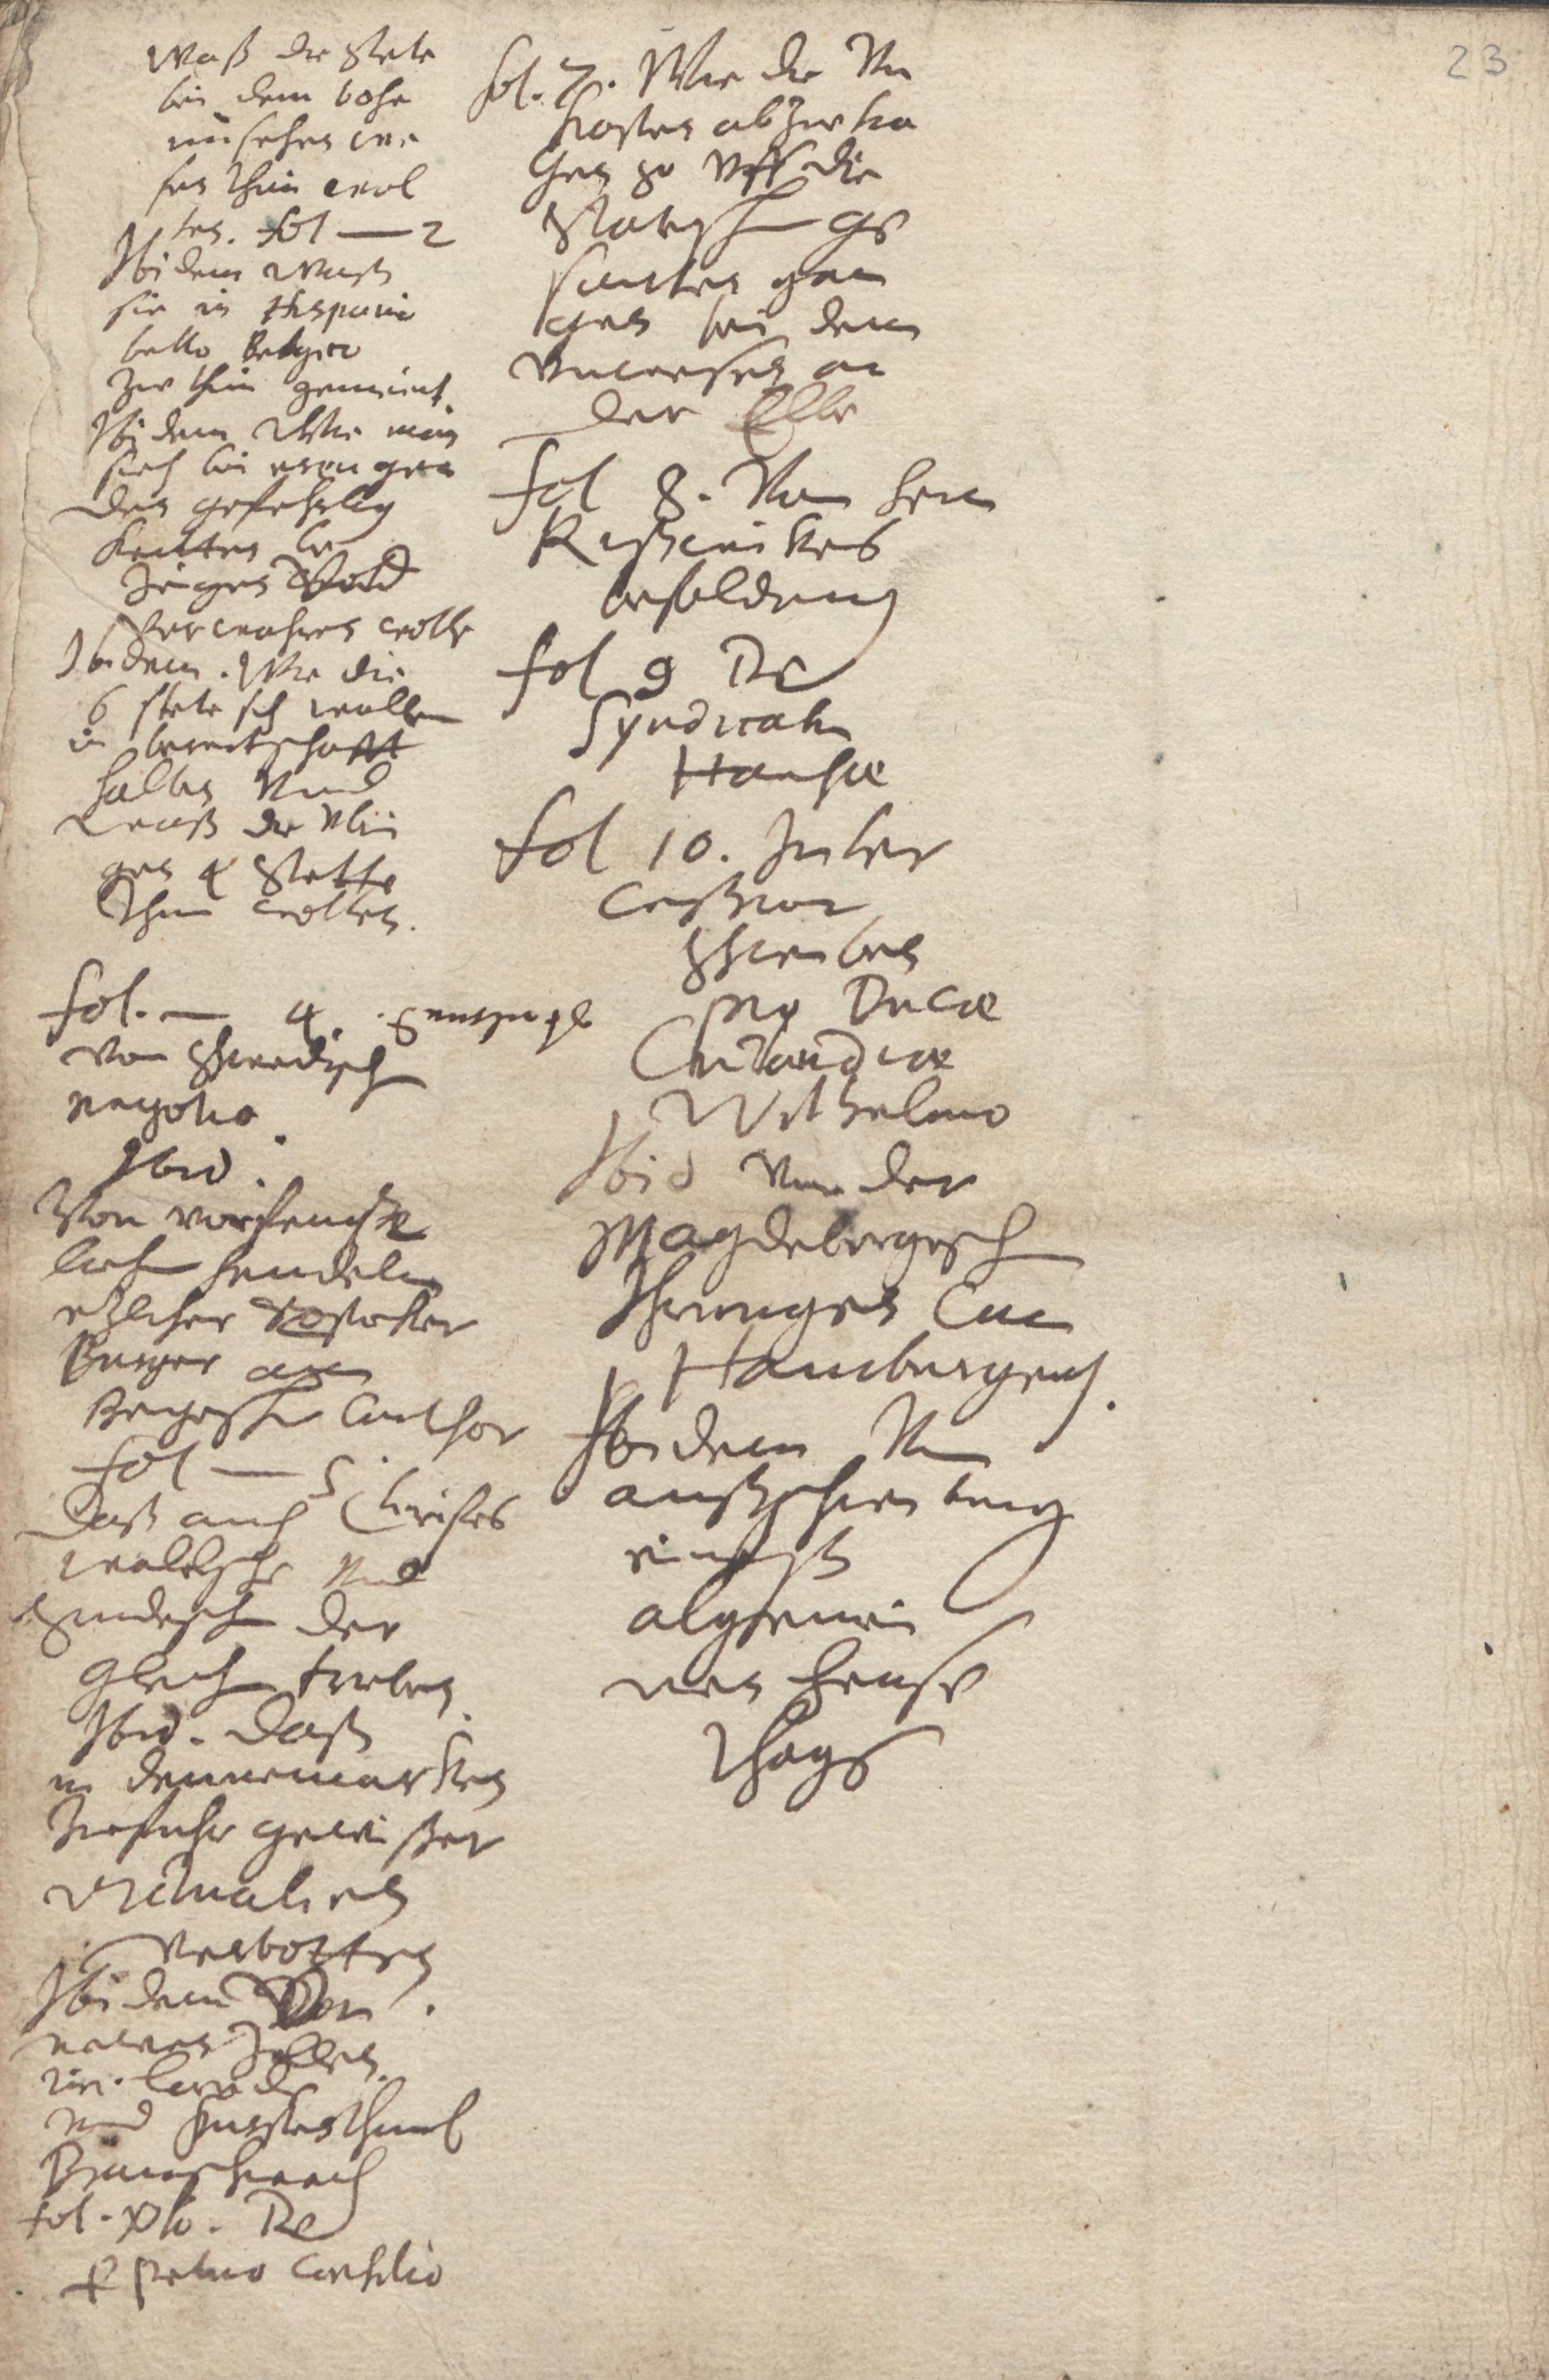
Waß die Stete
bei dem bohe
einsehen we¬
sen thun wol¬
ten. fol-2
Ibidem waß
sie in Hispanie
bello Belgice
zue thun gemeint.
Ibidem Wie man
sich bei eren gne¬
den gefehrlig¬
keitten be¬
zeugen vnnd
verwahren wollen
Ibidem. Wie die
6 stete sich wollen
in bereitschaftt
halten vnd
waß die vbri¬
gen 4 Stette
thun wollen.
fol.-4. Sentgugl
von schwedischen
negotio.
Ibid.
Von vorfenchte¬
lichen handeln
etlicher Rostocker
Burger am
Bergeschen Cunthor
fol - 5.
Daß auch Gripes¬
walesche vnd
Sundesche der
gleichen twlen
Ibid. daß
in Dennemarken
zuefuhr gewißer
victualien
verbotten
Ibidem von
velen zollen.
im. lande
vnd furstenthumb
Braunschweech
fol. xlo. Re
per petuo consilio
fol. 7. Wie die Vn¬
kosten abzuetra¬
gen So vff die
Stateschen ge¬
santhen gan¬
gen bei dem
vnwesen an
der Elbe
fol 8. Von hern
Rißwikes
besoldung
fol 9 De
Syndicatum
Hansae
fol 10. Inter¬
cession
schreiben
no Ducae
Curlandiae
Wilhelmo
Ibid von der
Magdeburgischen
Ihrungen cum
Hamburgensibus.
Ibidem von
außschreibung
eineß
algemei¬
nen hense
thags
